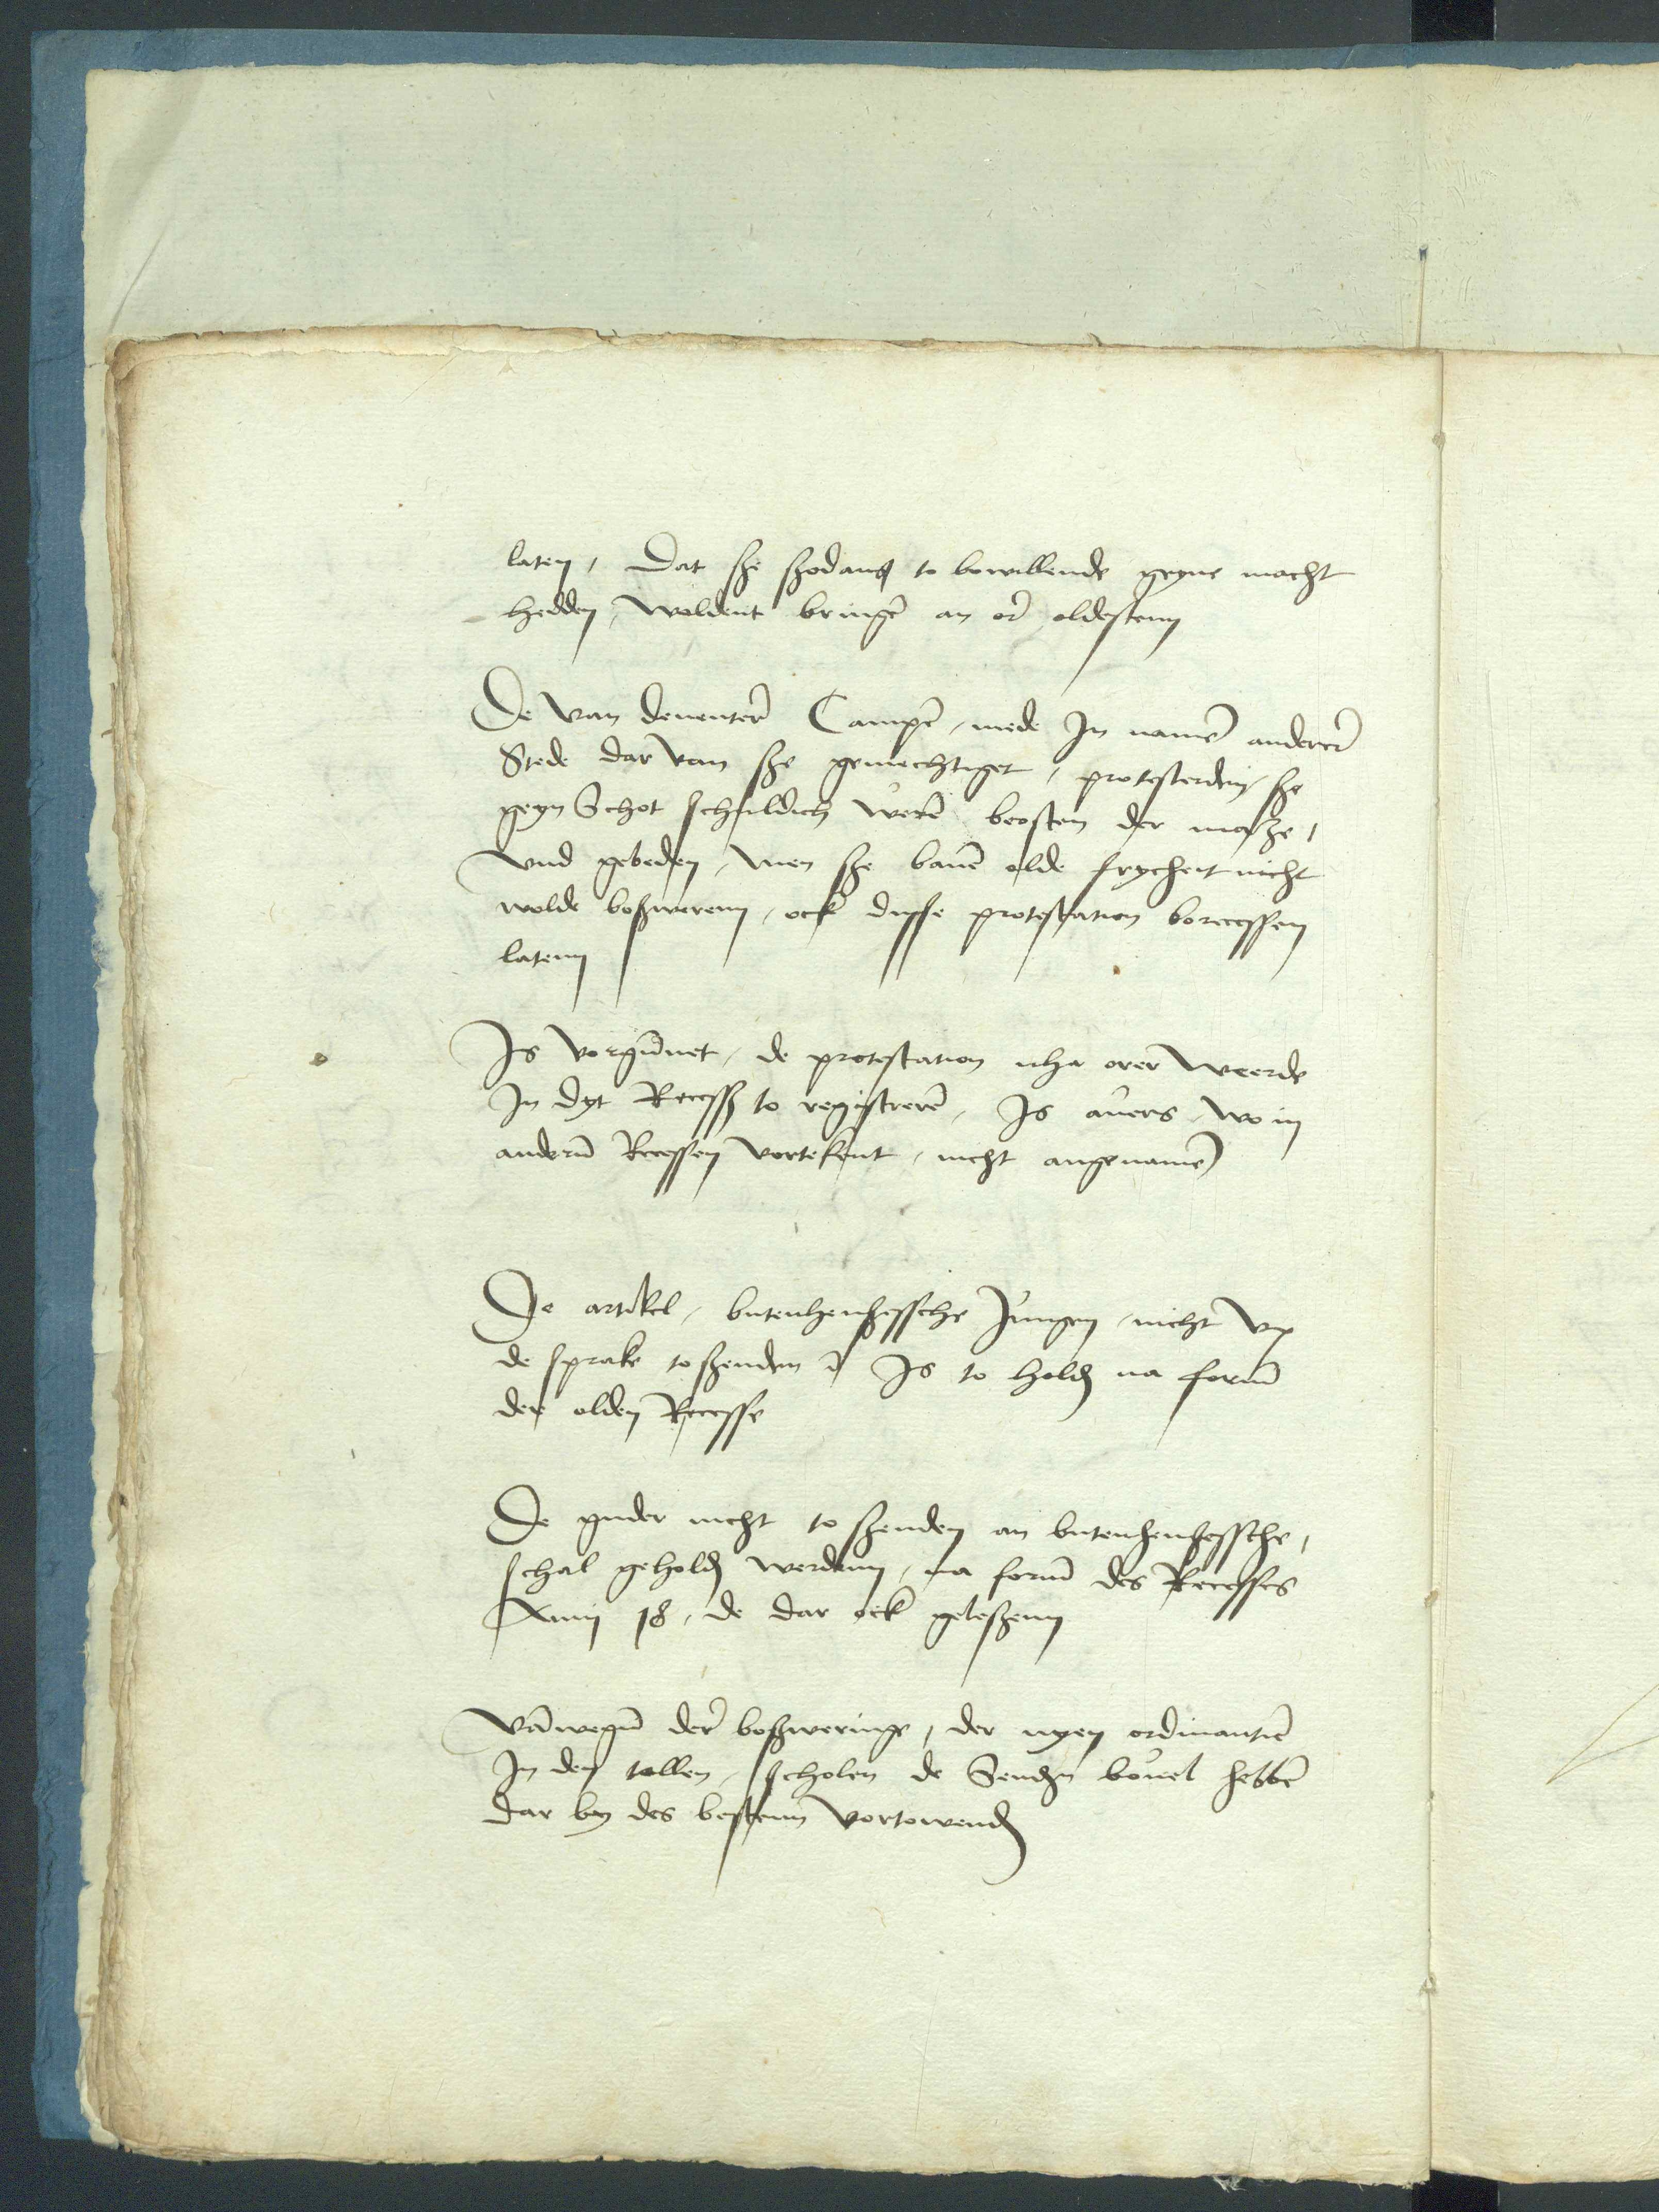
laten, dat ße ßodans to bowillende geyne macht
hedden, woldent bringen an ore oldestenn
De van deuenter Campen, mede Jn namen anderer
Stede dar van ße gemechtiget, protesterden, ße
geyn Schot schuldich weren beosten der maze,
vnd gebeden, men ße bauen olde frycheit nicht
wolde boßwerenn, ock dusse protestation borecessen
latenn
Js vorgunnet, de protestation nha orer weerde
Jn dyt Recesß to registreren, Js auers wo in
anderen Recessen vortekent, nicht angenamen
De artikel, butenhenßessche Jungen, nicht vp
de sprake to ßenden etcetera Js to holden na form
der olden Recesse
De guder nicht to ßenden an butenhenßessche,
schal geholden werden, na form des Recesses
Annj 18, de dar ock geleßenn
Vanwegen der boßweringe, der nyen ordinantien
Jn den tollen, scholen de Sendebaden bouel hebben
dar by des bestenn vortowenden
